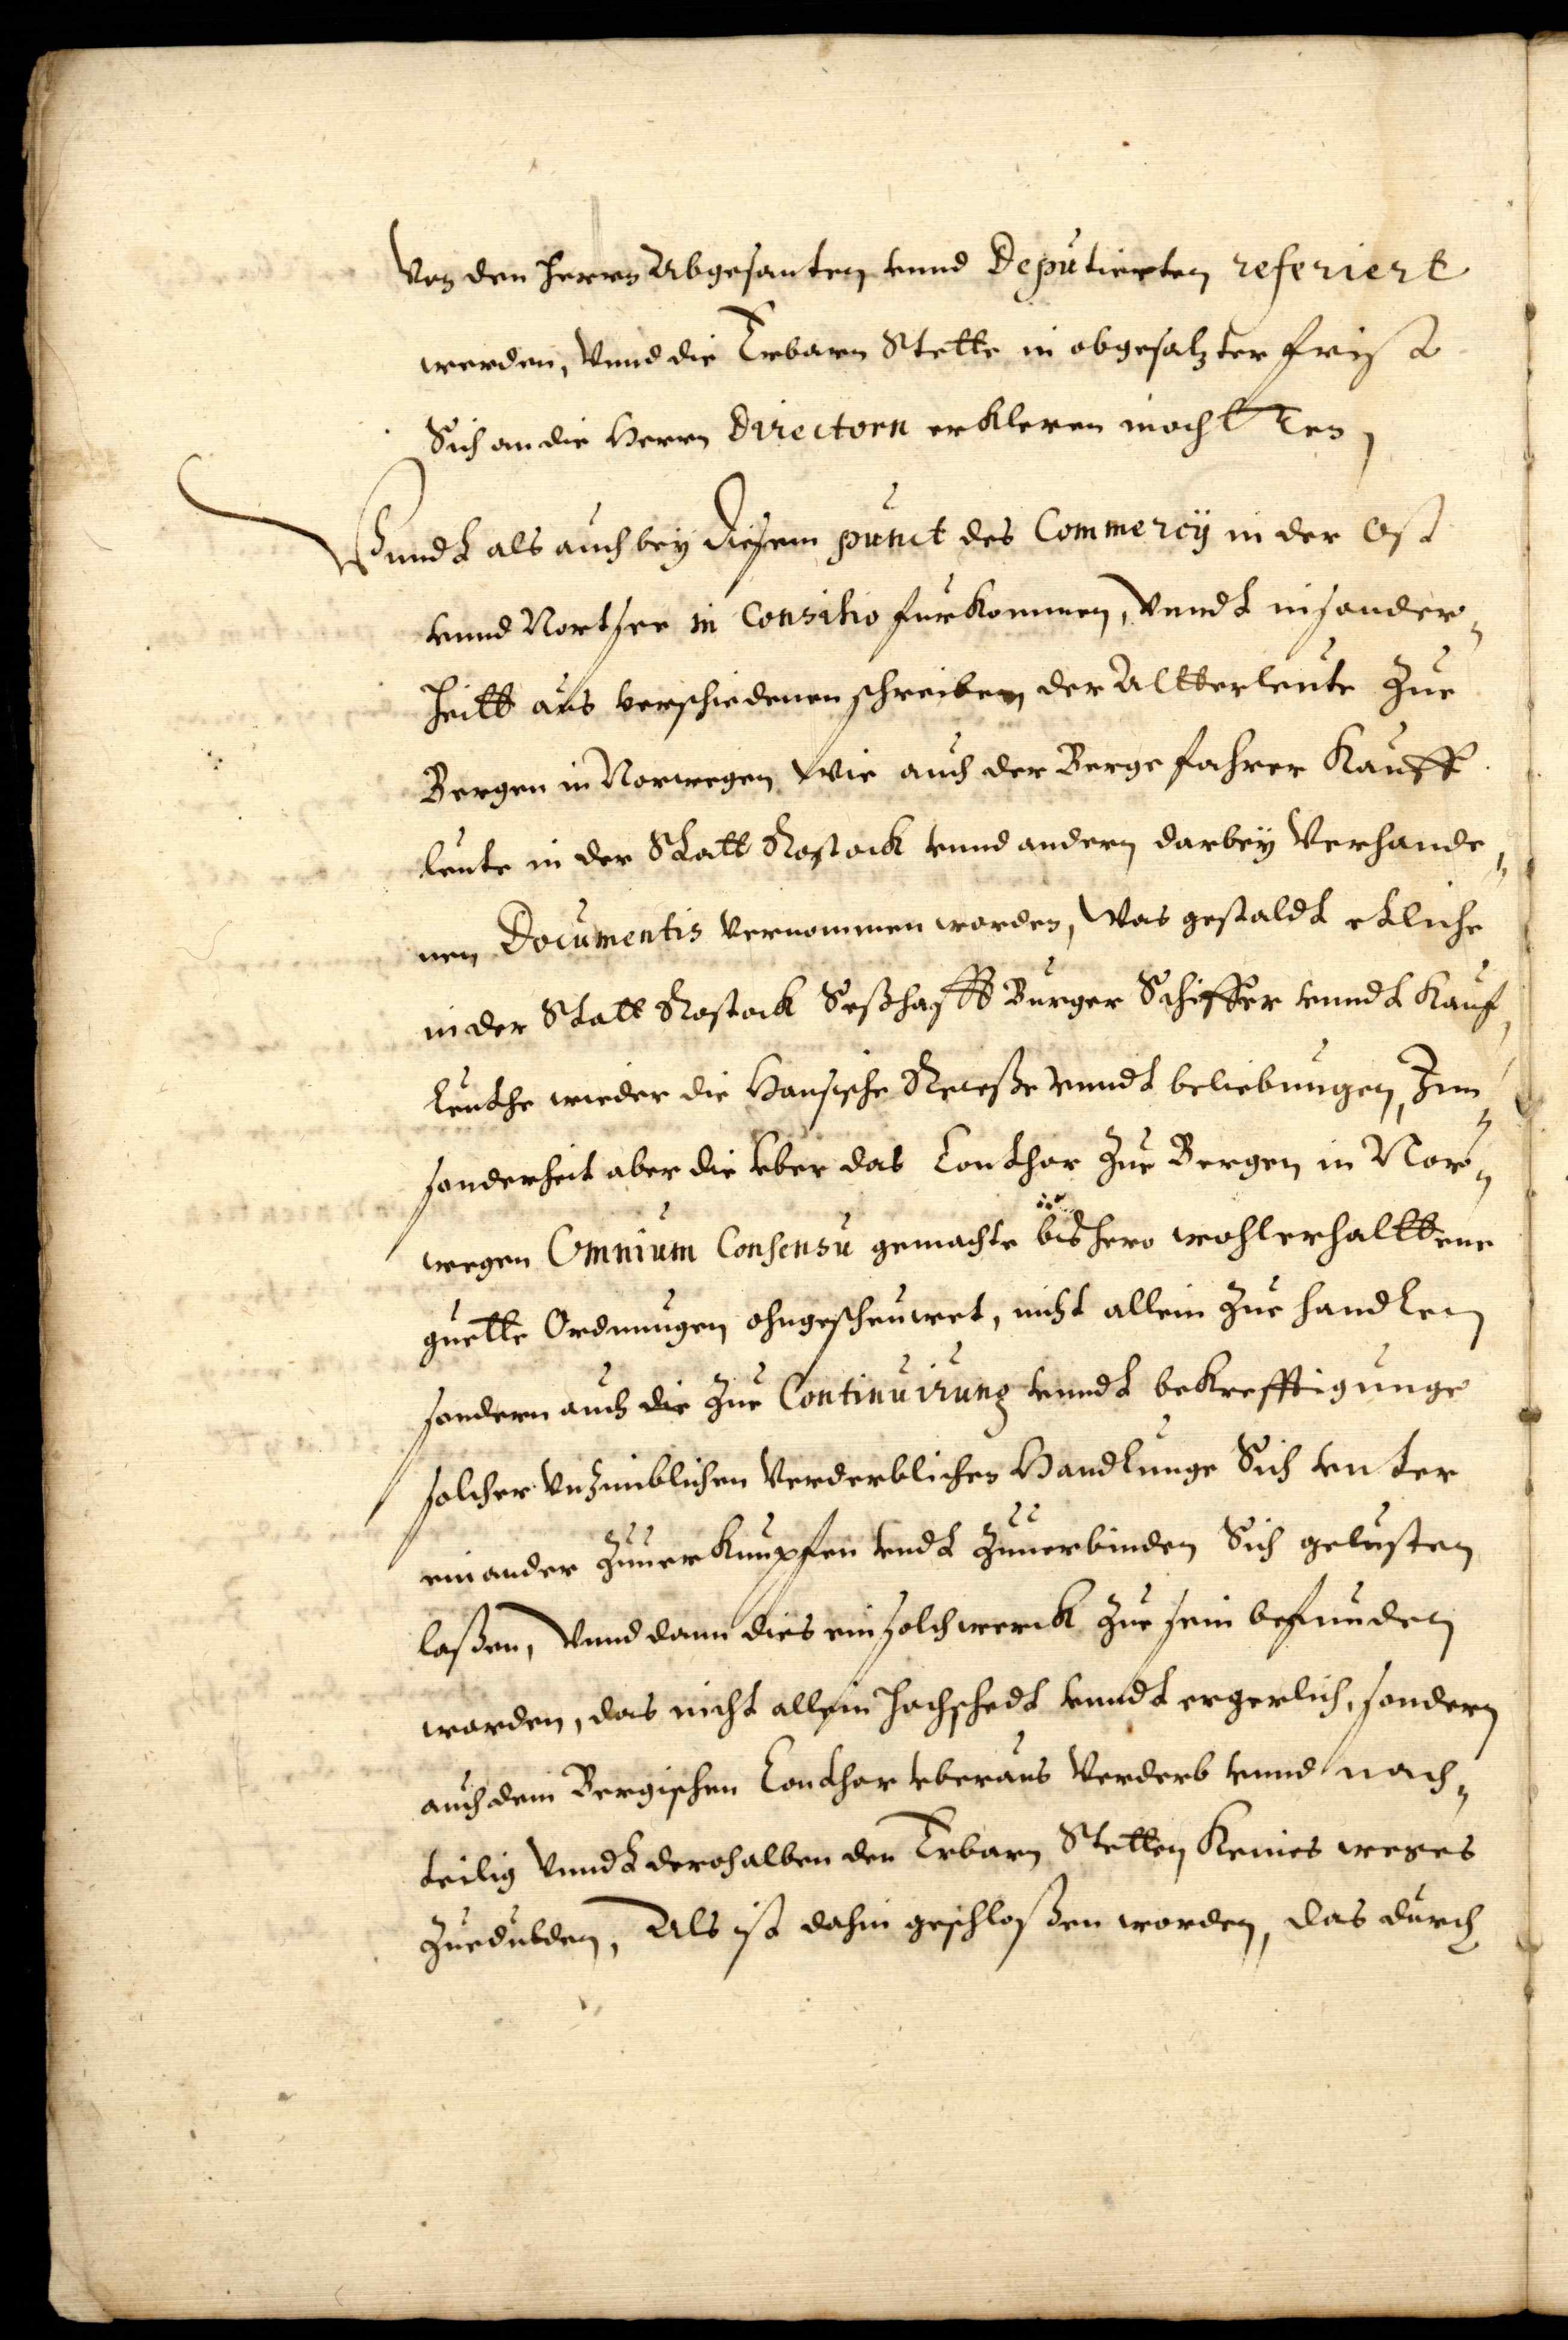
von den Herrn Abgesanten vnnd Deputierten referiert
werden, Vnnd die Erbarn Stette in obgesatzter frist
Sich an die Herrn Directorn erkleren mochtten,
Vnndt als auch beij diesem punct des Commercij in der Ost
vnnd Nortsee in Consilio furkommen, Vnndt insonder¬
heitt aus verschiedenen schreiben der Altterleute zue
Bergen in Norwegen Wie auch der Bergefahrer Kauff
leute in der Statt Rostock vnnd andern darbeij Verhande¬
nen Documentis vernommen worden, Was gestaldt etliche
in der Statt Rostock Seßhafft Burger Schiffer vnndt Kauf¬
leuthe wieder die Hansische Receße vnndt beliebungen, Inn¬
sonderheit aber die vber das Conthor zue Bergen in Nor¬
wegen Omnium Consensu gemachte bishero wohlerhalttene
guette Ordnungen ohngescheuwet, nicht allein zue handten
sondern auch die zue Continuirung vnndt bekrefftigunge
solcher vnzimblichen Verderblichen Handlunge Sich vnter
einander zuuerknupfen vndt zuuerbinden Sich gelusten
laßen, Vnnd dann dies ein solch werck zue sein befunden
worden, das nicht allein hochschedt vnndt ergerlich, sondern
auch dem Bergischen Conthor vberaus Verderb vnnd nach¬
teilig Vnndt derohalben den Erbarn Stetten Keines weges
zuedulden, Als ist dahin geschloßen worden, das durch
